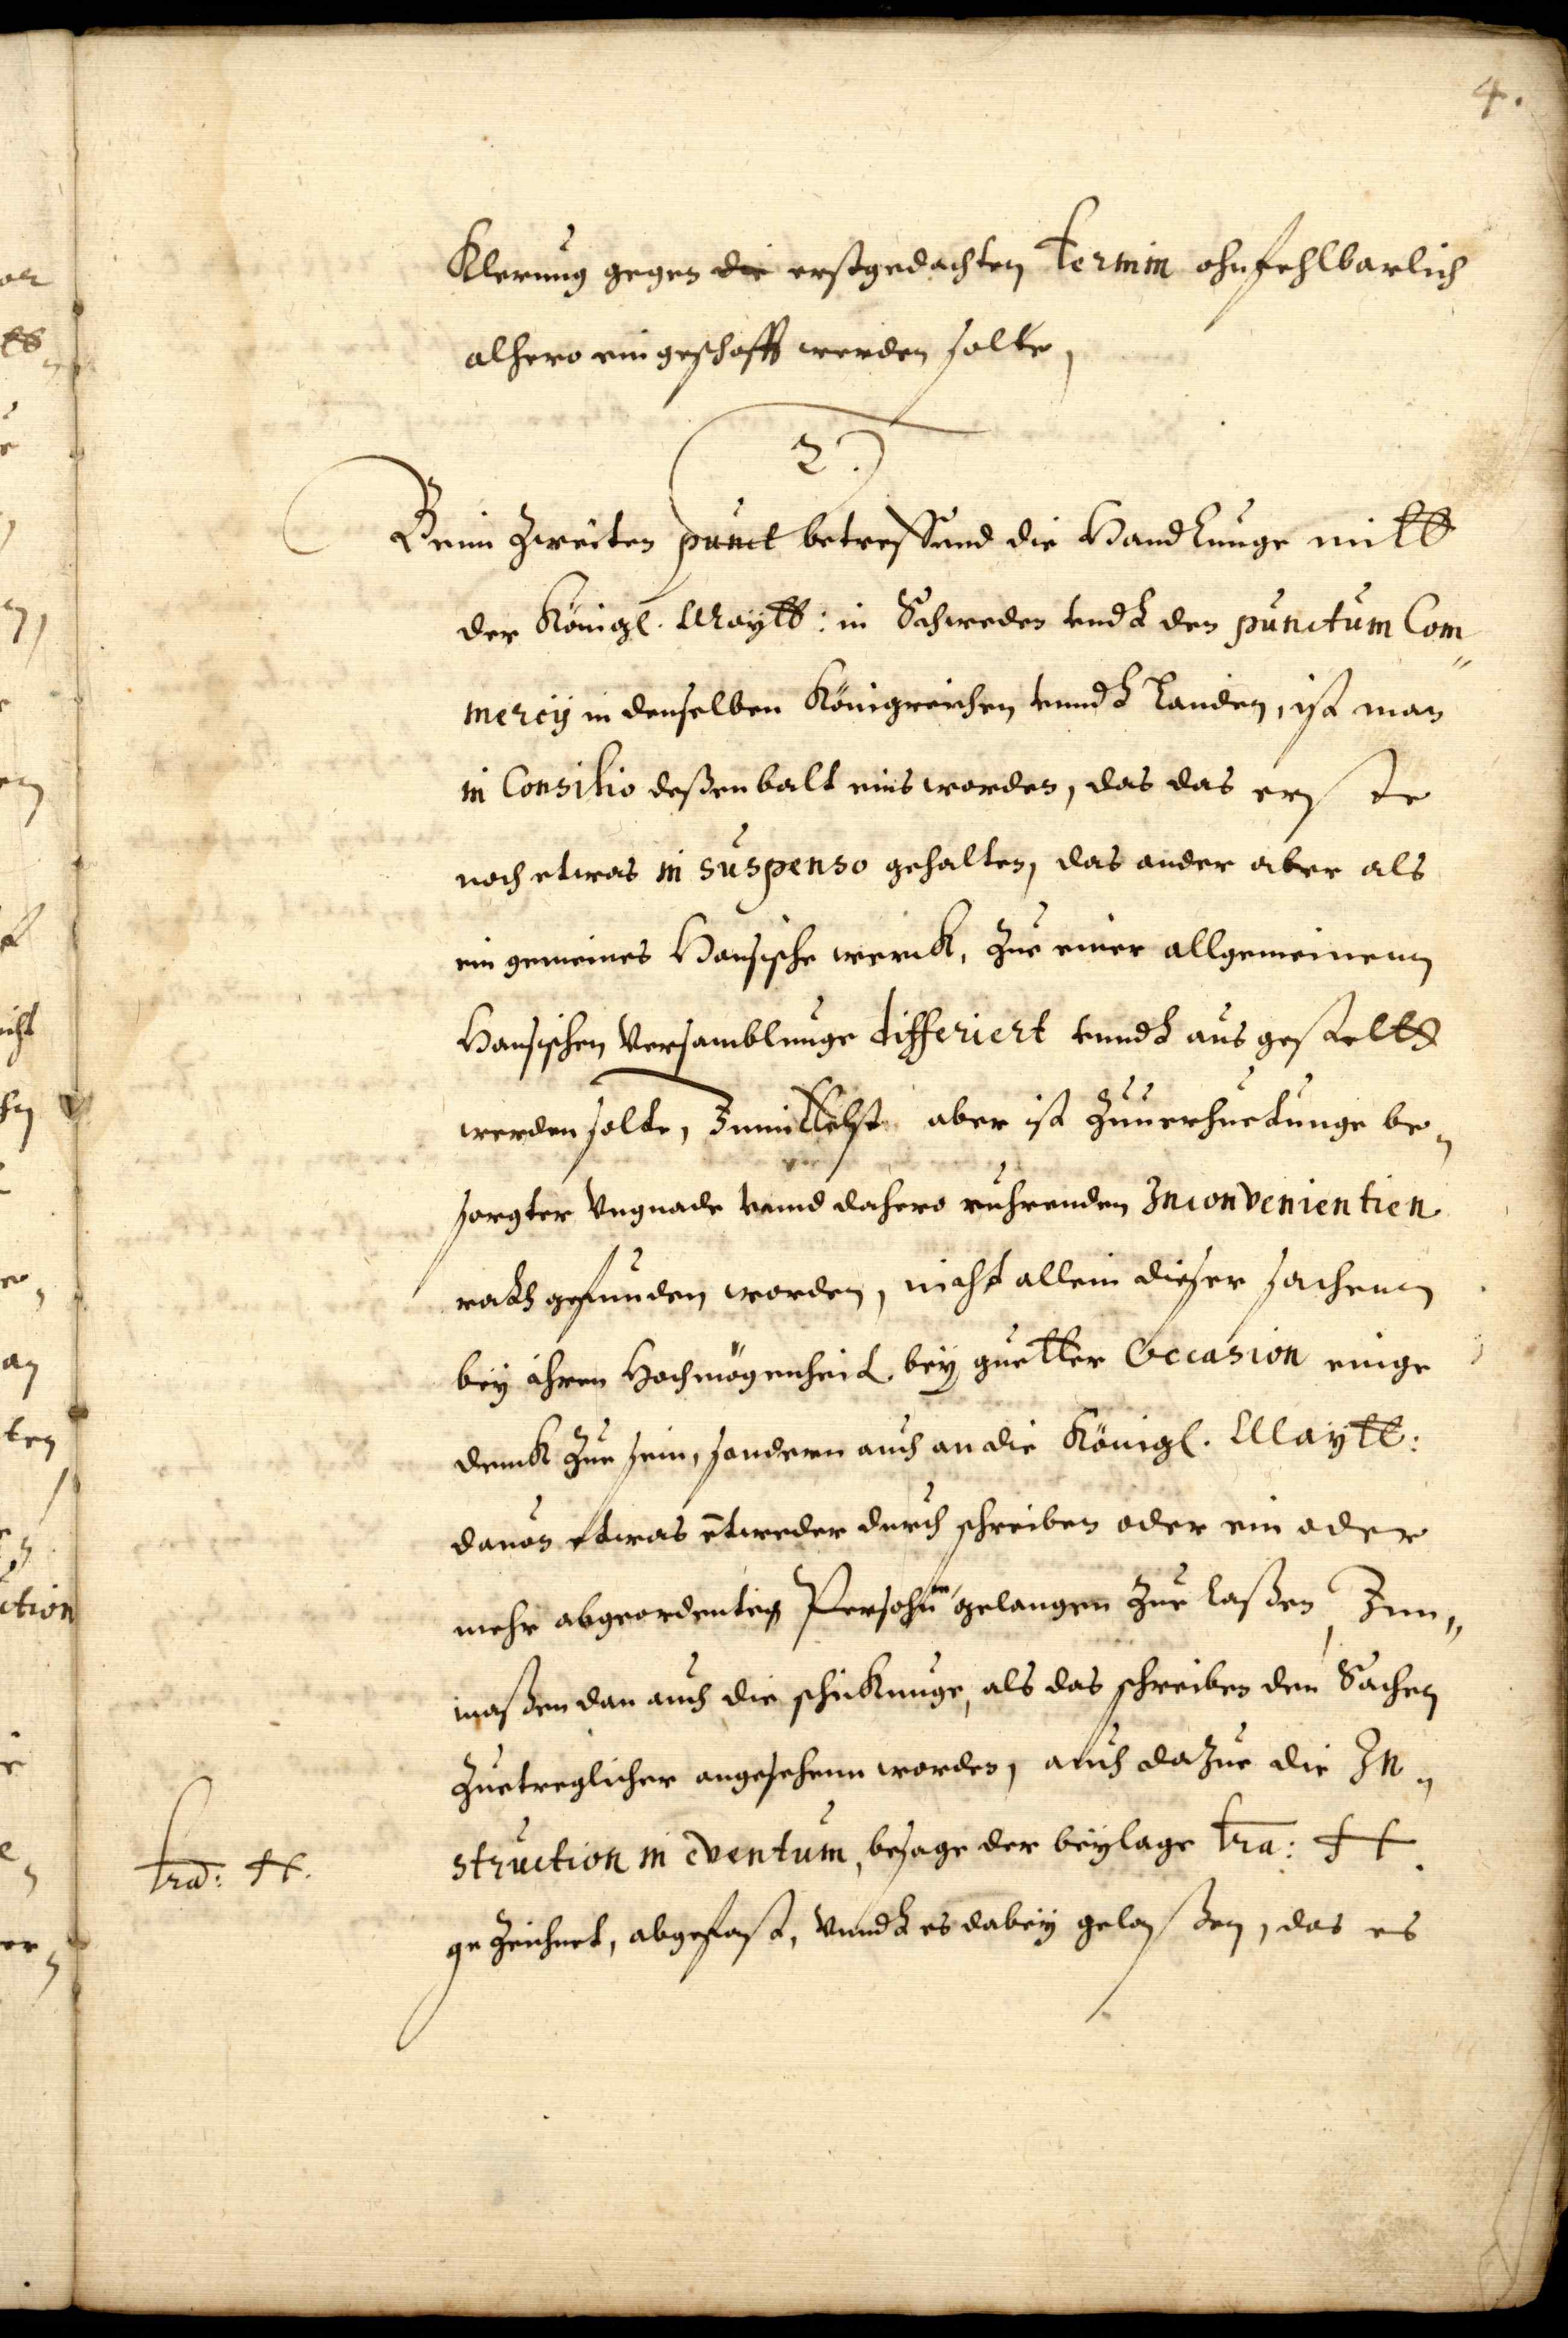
Tra: H.
klerung gegen die erstgedachten Termin ohnfehlbarlich
alhero eingeschafft werden solte,
2.
Beim zweiten punct betreffend die Handlunge mitt
der Königl. Maijtt: in Schweden vndt den punctum Com¬
mercij in denselben Königreichen vnndt Landen, ist man
in Consilio deßen balt eins worden, das das erste
noch etwas in suspenso gehalten, das ander aber als
ein gemeines Hansische werck, zue einer allgemeinenn
Hansischen Versamblunge differiert vnndt ausgesteltt
werden solte, Inmittelst aber ist zuuerhuetunge be¬
sorgter Vngnade vnnd dahero ruhrenden Inconvenientien
rath gefunden worden, nicht allein dieser sachenn
beij ihren hochmögenheit beij guetter Occasion enige
denck zue sein, sondern auch an die Königl. Maijtt:
dauon etwas entweder durch schreiben oder ein oder
mehr abgeordenten Persohn gelangen zue laßen, Inn¬
maßen dan auch die schickunge, als das schreiben den Sachen
zuetreglicher angesehenn worden, auch dazue die In¬
struction in eventum, besage die beijlage tra: H.
gezeichnet, abgefast, vnndt es dabeij gelaßen, das es
